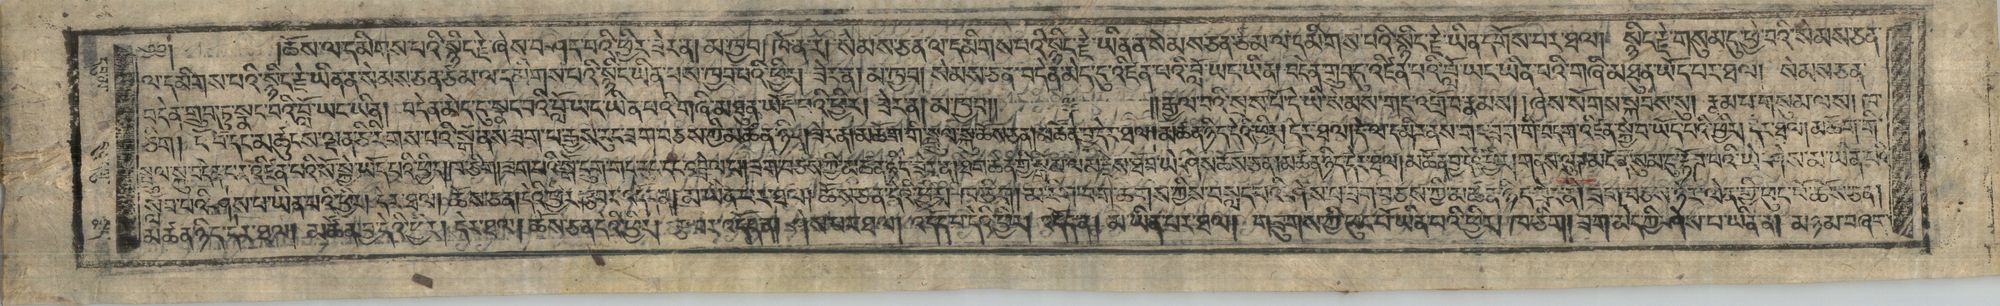༄༅། །ཆོས་ལ་དམིགས་པའི་སྙིང་རྗེ་ཞེས་བཤད་པའི་ཕྱིར་ཟེར་ན། མ་ཁྱབ། ཁོ་ན་རེ། སེམས་ཅན་ལ་དམིགས་པའི་སྙིང་རྗེ་ཡིན་ན་སེམས་ཅན་ཙམ་ལ་དམིགས་པའི་སྙིང་རྗེ་ཡིན་དགོས་པར་ཐལ། སྙིང་རྗེ་གསུམ་དུ་ཕྱེ་བའི་སེམས་ཅན་
ལ་དམིགས་པའི་སྙིང་རྗེ་ཡིན་ན་སེམས་ཅན་ཙམ་ལ་དམིགས་པའི་སྙིང་ཡིན་པས་ཁྱབ་པའི་ཕྱིར། ཟེར་ན། མ་ཁྱབ། སེམས་ཅན་བདེན་མེད་དུ་འཛིན་པའི་བློ་ཡང་ཡིན། བདེན་གྲུབ་དུ་འཛིན་པའི་བློ་ཡང་ཡིན་པའི་གཞི་མཐུན་ཡོད་པར་ཐལ། སེམས་ཅན་
བདེན་གྲུབ་ཏུ་སྣང་བའི་བློ་ཡང་ཡིན། བདེན་མེད་དུ་སྣང་བའི་བློ་ཡང་ཡིན་པའི་གཞི་མཐུན་ཡོད་པའི་ཕྱིར། ཟེར་ན། མ་ཁྱབ།། ༈ །།རྒྱལ་བའི་སྲས་པོ་དེ་ཡི་སེམས་གང་འགྲོ་བ་རྣམས། །ཞེས་སོགས་སྐབས་སུ། རྣམ་པ་གསུམ་ལས། ཁ་
ཅིག །ངོ་བོ་དང་མཚུངས་ལྡན་ཅི་རིགས་པའི་སྒོ་ནས་ཟག་པ་རྒྱས་རུང་ཟག་བཅས་ཀྱི་མཚན་ཉིད། ཟེར་ན། མཆོག་གི་སྤྲུལ་སྐུ་ཆོས་ཅན། མཚོན་བྱ་དེར་ཐལ། མཚན་ཉིད་དེའི་ཕྱིར། དེར་ཐལ། དེ་ལ་དམིགས་ནས་གང་ཟག་གི་བདག་འཛིན་སྐྱེ་བ་ཡོད་པའི་ཕྱིར། དེར་ཐལ། མཆོག་གི་
སྤྲུལ་སྐུ་བདེན་པར་འཛིན་པའི་སོ་སྐྱེ་ཡོད་པའི་ཕྱིར། ཁ་ཅིག །ཟག་པའི་སྒོ་དྲུག་གང་རུང་དང་འབྲེལ་པ། ཟག་བཅས་ཀྱི་མཚན་ཉིད་ཟེར་ན། ཐེག་ཆེན་གྱི་སྒོམ་ལམ་རྗེས་ཐོབ་ཡེ་ཤེས་ཆོས་ཅན་མཚན་ཉིད་དེར་ཐལ། མཚོན་བྱ་དེའི་ཕྱིར། གནས་ལུགས་?་མངོན་སུམ་དུ་རྟོགས་པའི་ཡེ་ཤེས་མ་ཡིན་པའི་
སློབ་པའི་ཤེས་པ་ཡིན་པའི་ཕྱིར། དེར་ཐལ། ཆོས་ཅན་དེའི་ཕྱིར། རྩ་བར་འདོད་ན། མ་ཡིན་པར་ཐལ། ཆོས་ཅན་དེའི་ཕྱིར། ཁ་ཅིག །མ་རིག་བག་ཆགས་ཀྱིས་བསླད་པའི་ཤེས་པ་ཟག་བཅས་ཀྱི་མཚན་ཉིད་ཟེར་ན། ཟག་བཅས་ཉེར་ལེན་གྱི་ཕུང་པོ་ཆོས་ཅན།
མཚན་ཉིད་དེར་ཐལ། མཚོན་བྱ་དེའི་ཕྱིར། དེར་ཐལ། ཆོས་ཅན་དེའི་ཕྱིར། རྩ་བར་འདོད་ན། ཤེས་པར་ཐལ། འདོད་པ་དེའི་ཕྱིར། འདོད་ན། མ་ཡིན་པར་ཐལ། གཟུགས་ཀྱི་ཕུང་པོ་ཡིན་པའི་ཕྱིར། ཁ་ཅིག །ཟག་མེད་ཀྱི་ཤེས་པ་ཡིན་ན། མཉམ་བཞག་